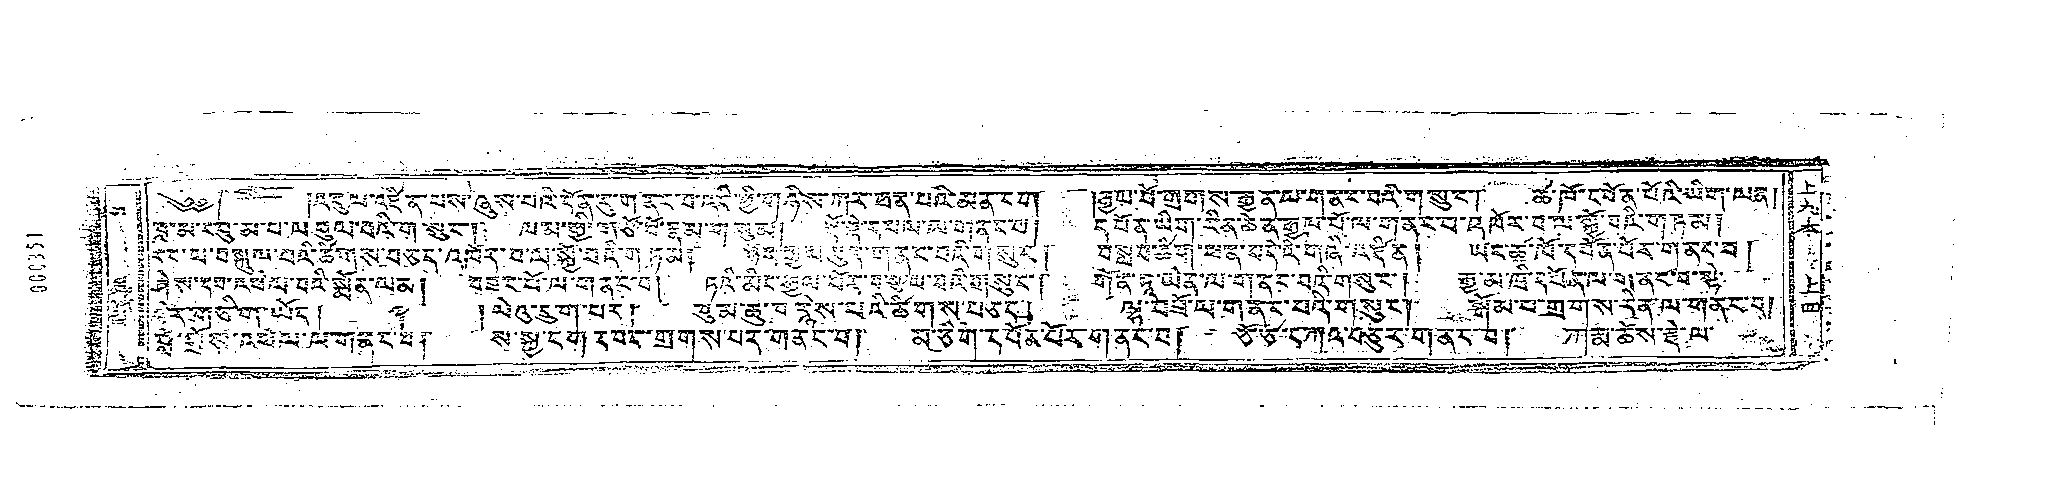༄༅། །འདུ་ལ་འཛིན་བས་ཞུས་པའི་དོན་དུ་གནང་བ་འདི་ཕྱི་གཉིས་ཀར་ཕན་པའི་མན་ངག །རྒྱལ་པོ་གྲགས་རྒྱན་ལ་གནང་པའི་གསུངས། ཚ་ཁོ་དཔོན་པོའི་ཡིག་ལན།
བླ་མ་དབུ་མ་པ་ལ་ཕུལ་བའི་གསུངས། ལམ་གྱི་གཙོ་བོ་རྣམ་གསུམ། རྡོ་རྗེ་དཔལ་ལ་གནང་པ། དཔོན་ཡིག་རིན་ཆེན་རྒྱལ་པོ་ལ་གནང་བ་འཁོར་བ་ལ་སྐྱོ་བའི་གཏམ།
རང་ལ་བསྐུལ་བའི་ཚིགས་བཅད་འཁོར་བ་ལ་སྐྱོ་བའི་གཏམ། ཧོང་རྒྱལ་བུད་གནང་བའི་གསུང་། བསླབ་ཚིག་ཕན་བདེའི་གཞི་འཛིན། ཡང་ཚ་ཁོ་དཔོན་པོར་གནང་བ།
ཤེས་དབ་འཕེལ་བའི་སྨོན་ལམ། བཟང་པོ་ལ་གནང་བ། ཏའི་མིང་རྒྱལ་པོད་བསུ་ལ་བའི་གསུང་། གོན་ཏཱ་ཡེན་ལ་གནང་བའི་གསུངས། རྒྱ་མཁྲི་དཔོན་ལ་གནང་བ་སྟེ་
ཉེར་གཅིག་ཡོད། ༈ །ལེའུ་དྲུག་པར། བུམ་ཆུ་བརྙེས་པའི་ཚིགས་བཅད། ལྷ་བཟོ་ལ་གནང་པའི་གསུང་། སྒོམ་པ་གྲགས་རིན་ལ་གནང་བ།
བློ་སྒྲོས་འཕེལ་ལ་གནང་བ། ས་སྐྱ་ངག་དབང་གྲགས་པར་གནང་བ། མ་ཅིག་དཔོན་བོར་གནང་བ། ཅོ་ཙ་དཀའ་བཅུར་གནང་བ། ཀརྨ་ཆོས་རྗེ་ལ་